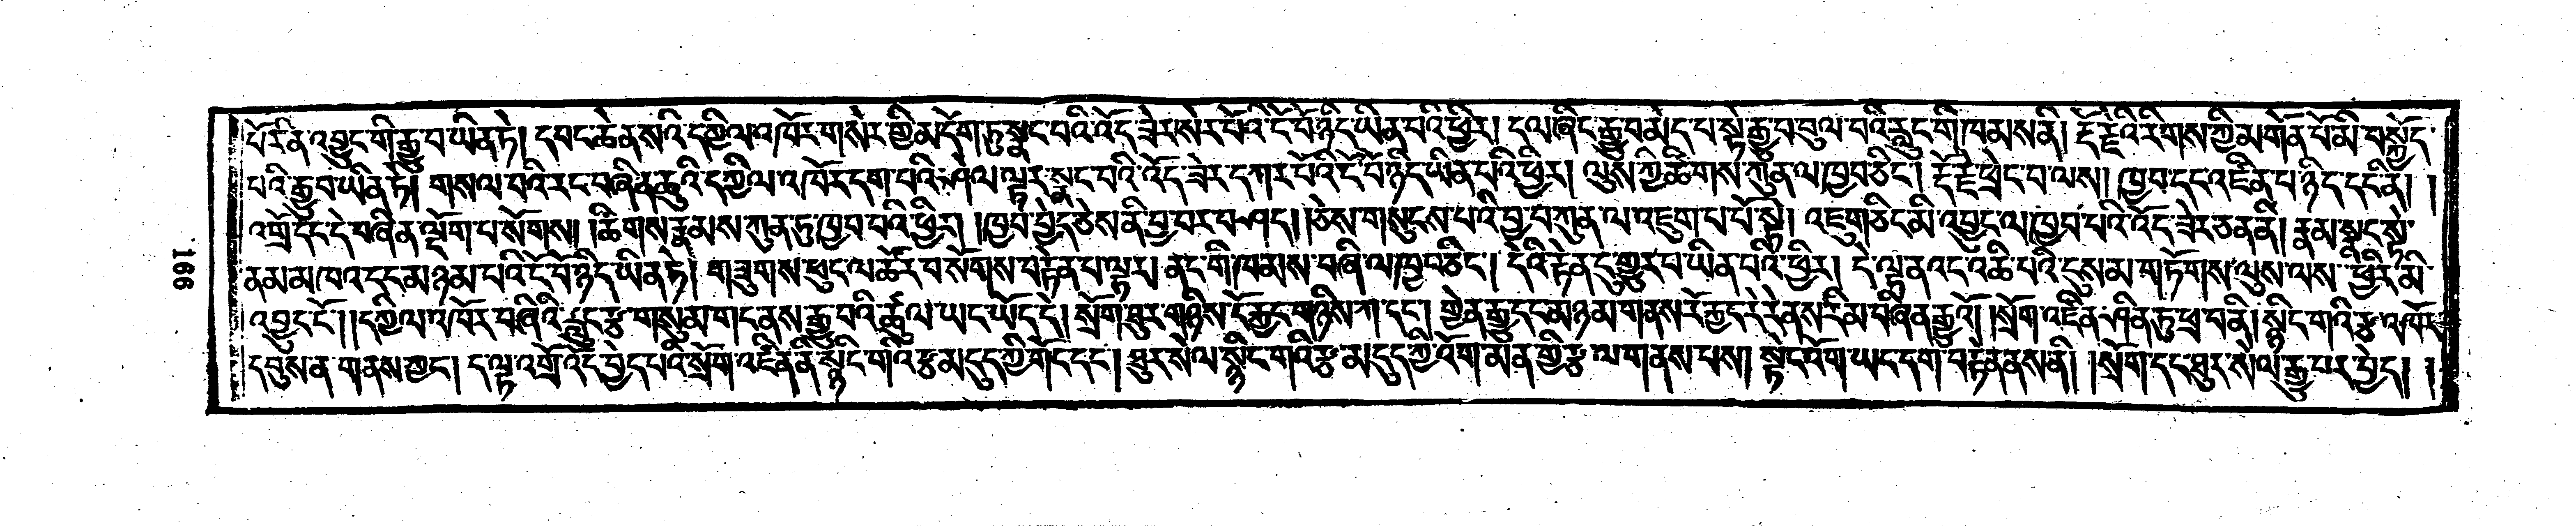པོ་རིན་འབྱུང་གི་རྒྱུ་བ་ཡིན་ཏེ། དབང་ཆེན་སའི་དཀྱིལ་འཁོར་གསེར་གྱི་མདོག་ཏུ་སྣང་བའི་འོད་ཟེར་སེར་པོའི་ངོ་བོ་ཉིད་ཡིན་པའི་ཕྱིར། དལ་ཞིང་རྒྱུ་བ་མེད་པ་སྟེ་རྒྱུ་བ་བུལ་བའི་རླུང་གི་ཁམས་ནི། རྡོ་རྗེའི་རིགས་ཀྱི་མགོན་པོ་མི་བསྐྱོད་
པའི་རྒྱུ་བ་ཡིན་ཏེ། གསལ་བའི་རང་བཞིན་ཆུའི་དཀྱིལ་འཁོར་དག་པའི་ཤེལ་ལྟར་སྣང་བའི་འོད་ཟེར་དཀར་པོའི་ངོ་བོ་ཉིད་ཡིན་པའི་ཕྱིར། ལུས་ཀྱི་ཚིགས་ཀུན་ལ་ཁྱབ་ཅིང་། རྡོ་རྗེ་ཕྲེང་བ་ལས། ཁྱབ་དང་འཛིན་པ་ཉིད་དང་ནི། །
འགྲོ་དང་དེ་བཞིན་ལྡོག་པ་སོགས། །ཚིགས་རྣམས་ཀུན་ཏུ་ཁྱབ་པའི་ཕྱིར། །ཁྱབ་བྱེད་ཅེས་ནི་བྱ་བར་བཤད། །ཅེས་གསུངས་པའི་བྱ་བ་ཀུན་ལ་འཇུག་པ་པོ་སྟེ། འཇུག་ཅིང་མི་འབྱུང་ལ་ཁྱབ་པའི་འོད་ཟེར་ཅན་ནི། རྣམ་སྣང་སྟེ་
ནམ་མཁའ་དང་མ་ཉམ་པའི་ངོ་བོ་ཉིད་ཡིན་ཏེ། གཟུགས་ཕུང་ལ་ཚོར་བ་སོགས་བརྟེན་པ་ལྟར། ནང་གི་ཁམས་བཞི་ལ་ཁྱབ་ཅིང་། དེའི་རྟེན་དུ་གྱུར་བ་ཡིན་པའི་ཕྱིར། དེ་ལྟ་ནའང་འཆི་བའི་དུས་མ་གཏོགས་ལུས་ལས་ཕྱིར་མི་
འབྱུང་ངོ། །དཀྱིལ་འཁོར་བཞིའི་རླུང་རྩ་གསུམ་གང་ནས་རྒྱུ་བའི་ཚུལ་ཡང་ཡོད་དེ། སྲོག་ཐུར་གཉིས་རོ་རྐྱང་གཉིས་ཀ་དང་། གྱེན་རྒྱུ་དང་མཉམ་གནས་རོ་རྐྱང་རེ་རེ་ནས་རིམ་བཞིན་རྒྱུའོ། །སྲོག་འཛིན་ཤིན་ཏུ་ཕྲ་བ་ནི། སྙིང་གའི་རྩ་འཁོར་
དབུས་ན་གནས་ཀྱང་། ད་ལྟ་འགྲོ་འོང་བྱེད་པའི་སྲོག་འཛིན་ནི་སྙིང་གའི་རྩ་མདུད་ཀྱི་གོང་དང་། ཐུར་སེལ་སྙིང་གའི་རྩ་མདུད་ཀྱི་འོག་མན་གྱི་རྩ་ལ་གནས་པས། སྟེང་འོག་ཡང་དག་བརྟེན་ནས་ནི། །སྲོག་དང་ཐུར་སེལ་རྒྱུ་བར་བྱེད། །